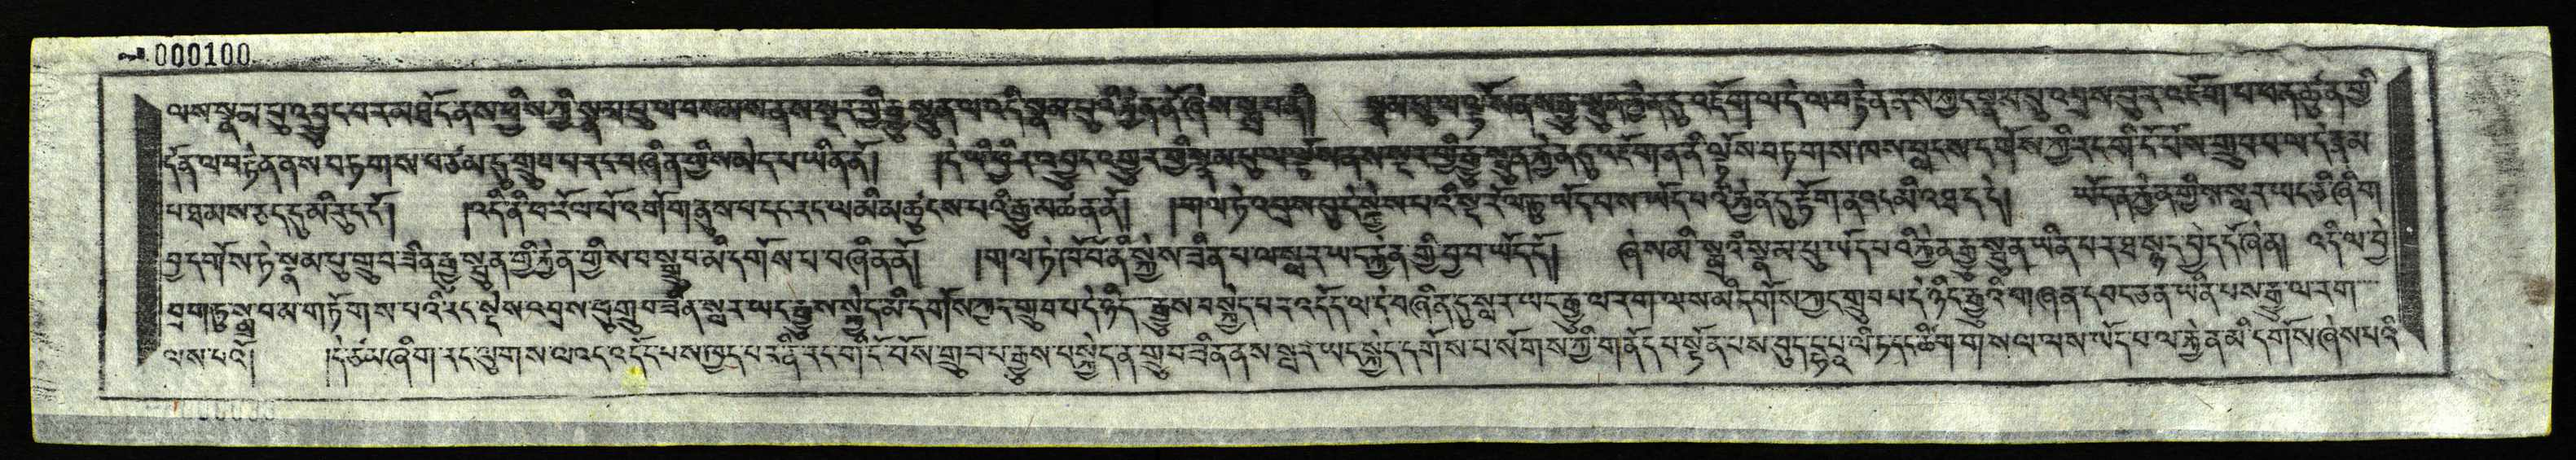ལས་སྣམ་བུ་འབྱུང་བར་མཐོང་ནས་ཕྱིས་ཀྱི་སྣམ་བུ་ལ་བསམས་ནས་སྔར་གྱི་རྒྱུ་སྤུན་ལ་འདི་སྣམ་བུའི་རྐྱེན་ནོ་ཞེས་སྨྲ་བ་ནི། སྣམ་བུ་ལ་ལྟོས་ནས་རྒྱུ་སྤུན་རྐྱེན་དུ་འཇོག་ལ་དེ་ལ་བརྟེན་ནས་ཀྱང་སྣམ་བུ་འབྲས་བུར་འཇོག་པ་ཕན་ཚུན་གྱི་
དོན་ལ་བརྟེན་ནས་བཏགས་པ་ཙམ་དུ་གྲུབ་པ་རང་བཞིན་གྱིས་མེད་པ་ཡིན་ནོ། །དེ་ཡི་ཕྱིར་འབྱུང་འགྱུར་གྱི་སྣམ་བུ་ལ་ལྟོས་ནས་སྔར་གྱི་རྒྱུ་སྤུན་རྐྱེན་དུ་འཇོག་ན་ནི་ལྟོས་བཏགས་ཁས་བླངས་དགོས་ཀྱི་རང་གི་ངོ་བོས་གྲུབ་པ་ལ་དེ་རྣམ་
པ་ཐམས་ཅད་དུ་མི་རུང་ངོ། །འདི་ནི་ཕ་རོལ་པོ་འགོག་ནུས་པ་དང་རང་ལ་མི་མཚུངས་པའི་རྒྱུ་མཚན་ནོ། །གལ་ཏེ་འབྲས་བུ་དེ་སྐྱེས་པའི་སྔ་རོལ་ཏུ་ཡོད་པས་ཡོད་པའི་རྐྱེན་དུ་རྟོག་ནའང་མི་འཐད་དེ། ཡོད་ན་རྐྱེན་གྱིས་སླར་ཡང་ཅི་ཞིག་
བྱ་དགོས་ཏེ་སྣམ་བུ་གྲུབ་ཟིན་རྒྱུ་སྤུན་གྱི་རྐྱེན་གྱིས་བསྒྲུབ་མི་དགོས་པ་བཞིན་ནོ། །གལ་ཏེ་ཁོ་བོ་ནི་སྐྱེས་ཟིན་པ་ལ་སླར་ཡང་རྐྱེན་གྱི་བྱ་བ་ཡོད་དོ། ཞེས་མི་སྨྲའི་སྣམ་བུ་ཡོད་པའི་རྐྱེན་རྒྱུ་སྤུན་ཡིན་པར་ཐ་སྙད་བྱེད་དོ་ཞེ་ན། འདི་ལ་བྱེ་
བྲག་ཏུ་སྨྲ་བ་མ་གཏོགས་པའི་རང་སྡེས་འབྲས་བུ་གྲུབ་ཟིན་སླར་ཡང་རྒྱུས་སྐྱེད་མི་དགོས་ཀྱང་གྲུབ་པ་དེ་ཉིད་རྒྱུས་བསྐྱེད་པར་འདོད་ལ་དེ་བཞིན་དུ་སླར་ཡང་རྒྱུ་ལ་རག་ལས་མི་དགོས་ཀྱང་གྲུབ་པ་དེ་ཉིད་རྒྱུའི་གཞན་དབང་ཅན་ཡིན་པས་རྒྱུ་ལ་རག་
ལས་པའོ། །དེ་ཙམ་ཞིག་རང་ལུགས་ལའང་འདོད་པས་ཁྱད་པར་ནི་རང་གི་ངོ་བོས་གྲུབ་པ་རྒྱུས་བསྐྱེད་ན་གྲུབ་ཟིན་ནས་སླར་ཡང་སྐྱེད་དགོས་པ་སོགས་ཀྱི་གནོད་པ་སྟོན་པས་བུད་དྷ་པཱ་ལི་ཏ་དང་ཚིག་གསལ་ལས་ཡོད་པ་ལ་རྐྱེན་མི་དགོས་ཞེས་པའི་